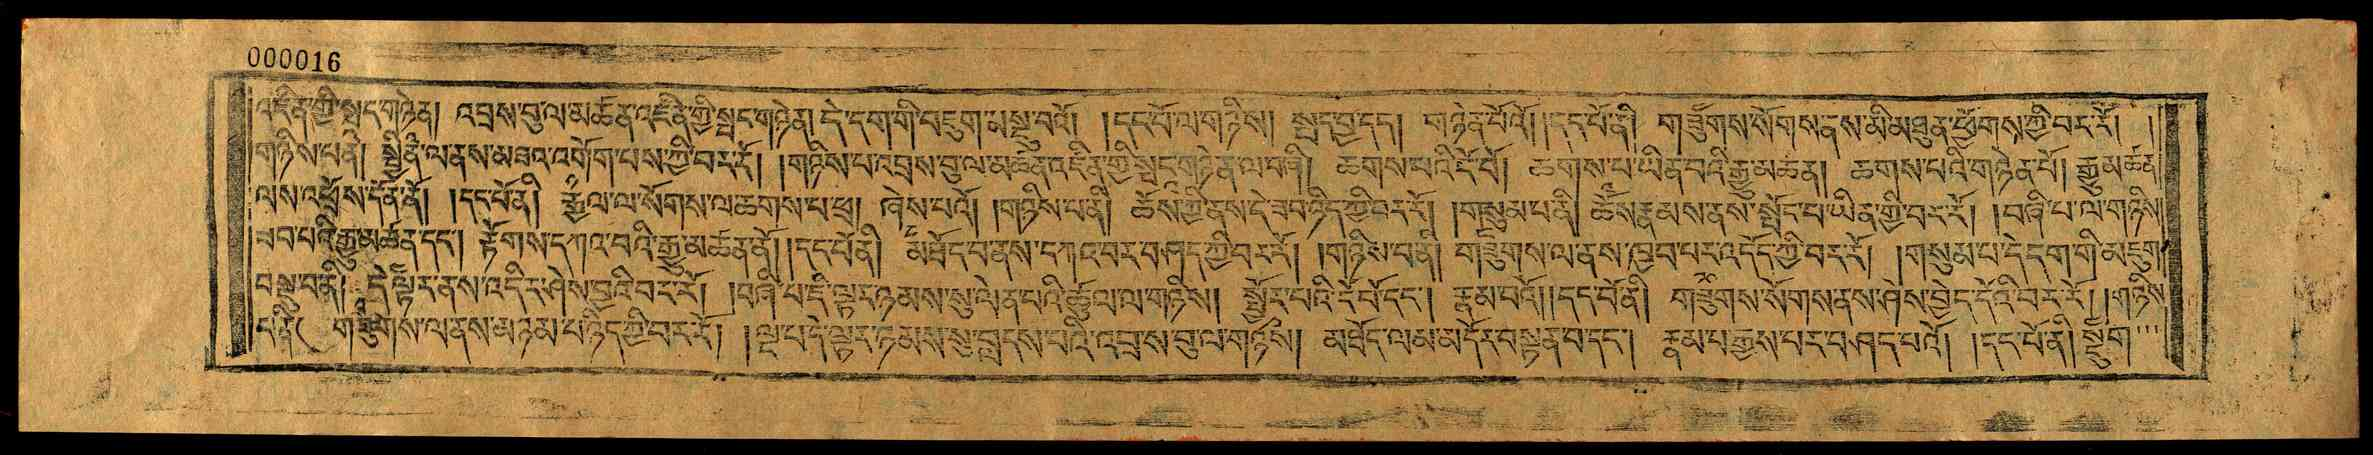འཛིན་གྱི་སྤང་གཉེན། འབྲས་བུ་ལ་མཚན་འཛིན་གྱི་སྤང་གཉེན། དེ་དག་གི་མཇུག་བསྡུ་བའོ། །དང་པོ་ལ་གཉིས། སྤང་བྱ་དང་། གཉེན་པོའོ། །དང་པོ་ནི། གཟུགས་སོགས་ནས་མི་མཐུན་ཕྱོགས་ཀྱི་བར་རོ། །
གཉིས་པ་ནི། སྦྱིན་ལ་ནས་མཐའ་འགོག་པས་ཀྱི་བར་རོ། །གཉིས་པ་འབྲས་བུ་ལ་མཚན་འཛིན་གྱི་སྤང་གཉེན་ལ་བཞི། ཆགས་པའི་ངོ་བོ། ཆགས་པ་ཡིན་པའི་རྒྱུ་མཚན། ཆགས་པའི་གཉེན་པོ། རྒྱུ་མཚན་
ལས་འཕྲོས་དོན་ནོ། །དང་པོ་ནི། རྒྱལ་ལ་སོགས་ལ་ཆགས་པ་ཕྲ། ཞེས་པའོ། །གཉིས་པ་ནི། ཆོས་ཀྱི་ནས་དེ་ཟབ་ཉིད་ཀྱི་བར་རོ། །གསུམ་པ་ནི། ཆོས་རྣམས་ནས་སྤོང་བ་ཡིན་གྱི་བར་རོ། །བཞི་པ་ལ་གཉིས་
ཟབ་པའི་རྒྱུ་མཚན་དང་། རྟོགས་དཀའ་བའི་རྒྱུ་མཚན་ནོ། །དང་པོ་ནི། མཐོང་བ་ནས་དཀའ་བར་བཤད་ཀྱི་བར་རོ། །གཉིས་པ་ནི། གཟུགས་ལ་ནས་ཁྱབ་པར་འདོད་ཀྱི་བར་རོ། །གསུམ་པ་དེ་དག་གི་མཇུག་
བསྡུ་བ་ནི། དེ་ལྟར་ནས་འདིར་ཤེས་བྱའི་བར་རོ། །བཞི་པ་ཇི་ལྟར་ཉམས་སུ་ལེན་པའི་ཚུལ་ལ་གཉིས། སྦྱོར་བའི་ངོ་བོ་དང་། རྣམ་པའོ། །དང་པོ་ནི། གཟུགས་སོགས་ནས་ཤེས་བྱེད་དོའི་བར་རོ། །གཉིས་
པ་ནི༑ གཟུགས་ལ་ནས་མཉམ་པ་ཉིད་ཀྱི་བར་རོ། །ལྔ་པ་དེ་ལྟར་ཉམས་སུ་བླངས་པའི་འབྲས་བུ་ལ་གཉིས། མཐོང་ལམ་མདོར་བསྟན་པ་དང་། རྣམ་པ་རྒྱས་པར་བཤད་པའོ། །དང་པོ་ནི། སྡུག་